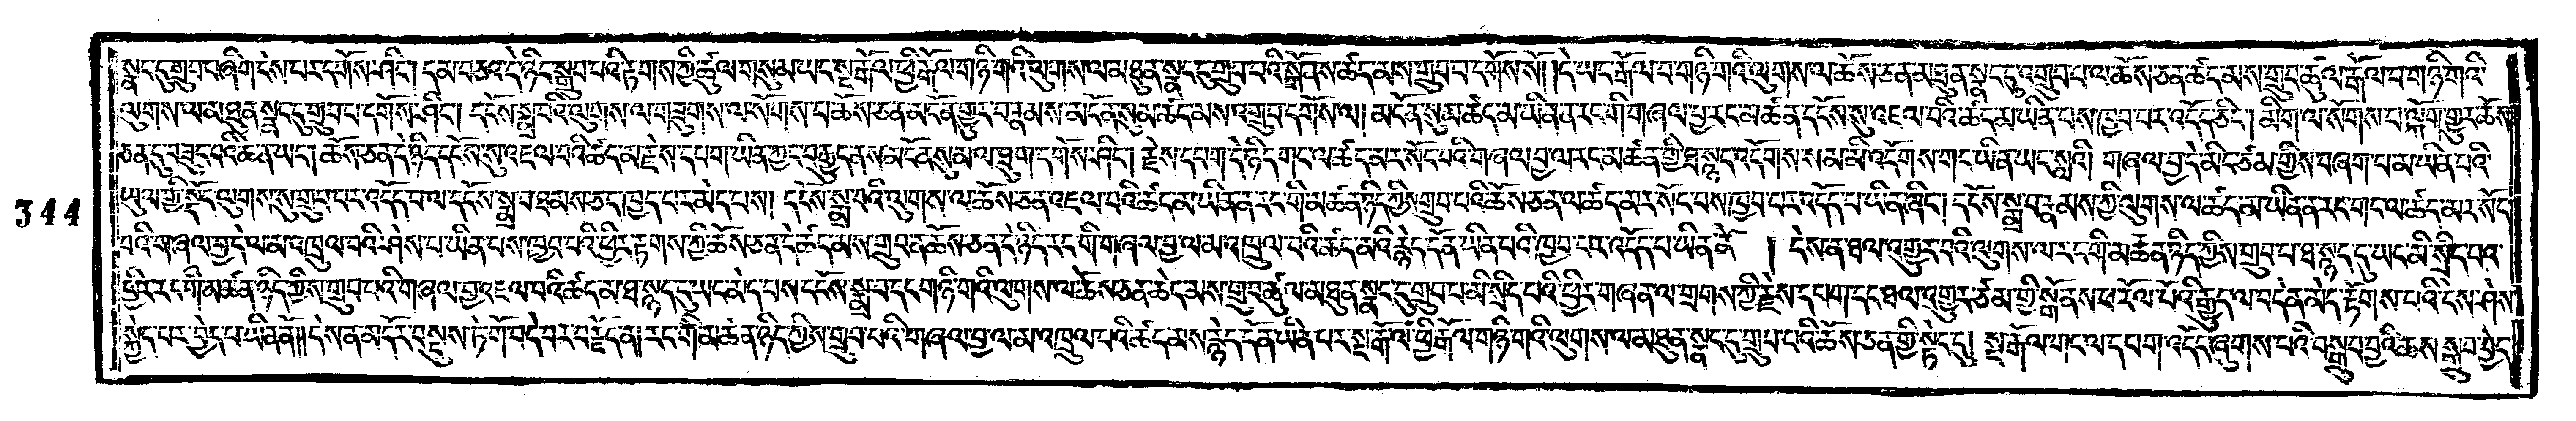སྣང་དུ་གྲུབ་པ་ཞིག་ངེས་པར་དགོས་ཤིང་། དམ་བཅའ་དེ་ཉིད་སྒྲུབ་པའི་རྟགས་ཀྱི་ཚུལ་གསུམ་ཡང་སྔ་རྒོལ་ཕྱི་རྒོལ་གཉི་གའི་ལུགས་ལ་མཐུན་སྣང་དུ་གྲུབ་པའི་སྒོ་ནས་ཚད་མས་གྲུབ་པ་དགོས་སོ། །དེ་ཡང་རྒོལ་བ་གཉི་གའི་ལུགས་ལ་ཆོས་ཅན་མཐུན་སྣང་དུ་འགྲུབ་པ་ལ་ཆོས་ཅན་ཚད་མས་གྲུབ་ཚུལ་རྒོལ་བ་གཉི་གའི་
ལུགས་ལ་མཐུན་སྣང་དུ་གྲུབ་པ་དགོས་ཤིང་། དངོས་སྨྲ་བའི་ལུགས་ལ་གཟུགས་ལ་སོགས་པ་ཆོས་ཅན་མངོན་གྱུར་བ་རྣམས་མངོན་སུམ་ཚད་མས་འགྲུབ་དགོས་ལ། མངོན་སུམ་ཚད་མ་ཡིན་ན་རང་གི་གཞལ་བྱ་རང་མཚན་དངོས་སུ་འཇལ་བའི་ཚད་མ་ཡིན་པས་ཁྱབ་པར་འདོད་ཅིང་། མིག་ལ་སོགས་པ་ལྐོག་གྱུར་ཆོས་
ཅན་དུ་བཟུང་བའི་ཆེ་ན་ཡང་། ཆོས་ཅན་དེ་ཉིད་དངོས་སུ་འཇལ་བའི་ཚད་མ་རྗེས་དཔག་ཡིན་ཀྱང་བརྒྱུད་ནས་མངོན་སུམ་ལ་ཐུག་དགོས་ཤིང་། རྗེས་དཔག་དེ་ཉིད་གང་ལ་ཚད་མར་སོང་བའི་གཞལ་བྱ་ལ་རང་མཚན་གྱི་ཐ་སྙད་འདོགས་སམ་མི་འདོགས་གང་ཡིན་ཡང་སླའི། གཞལ་བྱ་དེ་མིང་ཙམ་གྱིས་བཞག་པ་མ་ཡིན་པའི་
ཡུལ་གྱི་སྡོད་ལུགས་སུ་གྲུབ་པར་འདོད་པ་ལ་དངོས་སྨྲ་བ་ཐམས་ཅད་ཁྱད་པར་མེད་པས། དངོས་སྨྲ་པའི་ལུགས་ལ་ཆོས་ཅན་འཇལ་བའི་ཚད་མ་ཡིན་ན་རང་གི་མཚན་ཉིད་ཀྱིས་གྲུབ་པའི་ཆོས་ཅན་ལ་ཚད་མར་སོང་བས་ཁྱབ་པར་འདོད་པ་ཡིན་ཞིང་། དངོས་སྨྲ་བ་རྣམས་ཀྱི་ལུགས་ལ་ཚད་མ་ཡིན་ན་རང་གང་ལ་ཚད་མར་སོང་
བའི་གཞལ་བྱ་དེ་ལ་མ་འཁྲུལ་བའི་ཤེས་པ་ཡིན་པས་ཁྱབ་པའི་ཕྱིར་རྟགས་ཀྱི་ཆོས་ཅན་དེ་ཚད་མས་གྲུབ་ན་ཆོས་ཅན་དེ་ཉིད་རང་གི་གཞལ་བྱ་ལ་མ་འཁྲུལ་པའི་ཚད་མའི་རྙེད་དོན་ཡིན་པའི་ཁྱབ་པར་འདོད་པ་ཡིན་ནོ། །དེས་ན་ཐལ་འགྱུར་བའི་ལུགས་ལ་རང་གི་མཚན་ཉིད་ཀྱིས་གྲུབ་པ་ཐ་སྙད་དུ་ཡང་མི་སྲིད་པའི་
ཕྱིར་རང་གི་མཚན་ཉིད་ཀྱིས་གྲུབ་པའི་གཞལ་བྱ་འཇལ་བའི་ཚད་མ་ཐ་སྙད་དུ་ཡང་མེད་པས་དངོས་སྨྲ་བ་དང་གཉི་གའི་ལུགས་ལ་ཆོས་ཅན་ཆེད་མས་གྲུབ་ཚུལ་མཐུན་སྣང་དུ་གྲུབ་པ་མི་སྲིད་པའི་ཕྱིར་གཞན་ལ་གྲགས་ཀྱི་རྗེས་དཔག་དང་ཐལ་འགྱུར་ཙམ་གྱི་སྒོ་ནས་ཕ་རོལ་པོའི་རྒྱུད་ལ་བདེན་མེད་རྟོགས་པའི་ངེས་ཤེས་
སྐྱེད་པར་བྱེད་པ་ཡིན་ནོ། །དེས་ན་མདོར་བསྡུས་ཏེ་གོ་བདེ་བར་ཨུབརྗོད་ན། རང་གི་མཚན་ཉིད་ཀྱིས་གྲུབ་པའི་གཞལ་བྱ་ལ་མ་འཁྲུལ་པའི་ཚད་མས་རྙེད་དོན་ཡིན་པར་སྔ་རྒོལ་ཕྱི་རྒོལ་གཉི་གའི་ལུགས་ལ་མཐུན་སྣང་དུ་གྲུབ་པའི་ཆོས་ཅན་གྱི་སྟེང་དུ། སྔ་རྒོལ་གང་ལ་དཔག་འདོད་ཞུགས་པའི་བསྒྲུབ་བྱའི་ཆས་སྒྲུབ་བྱེད་